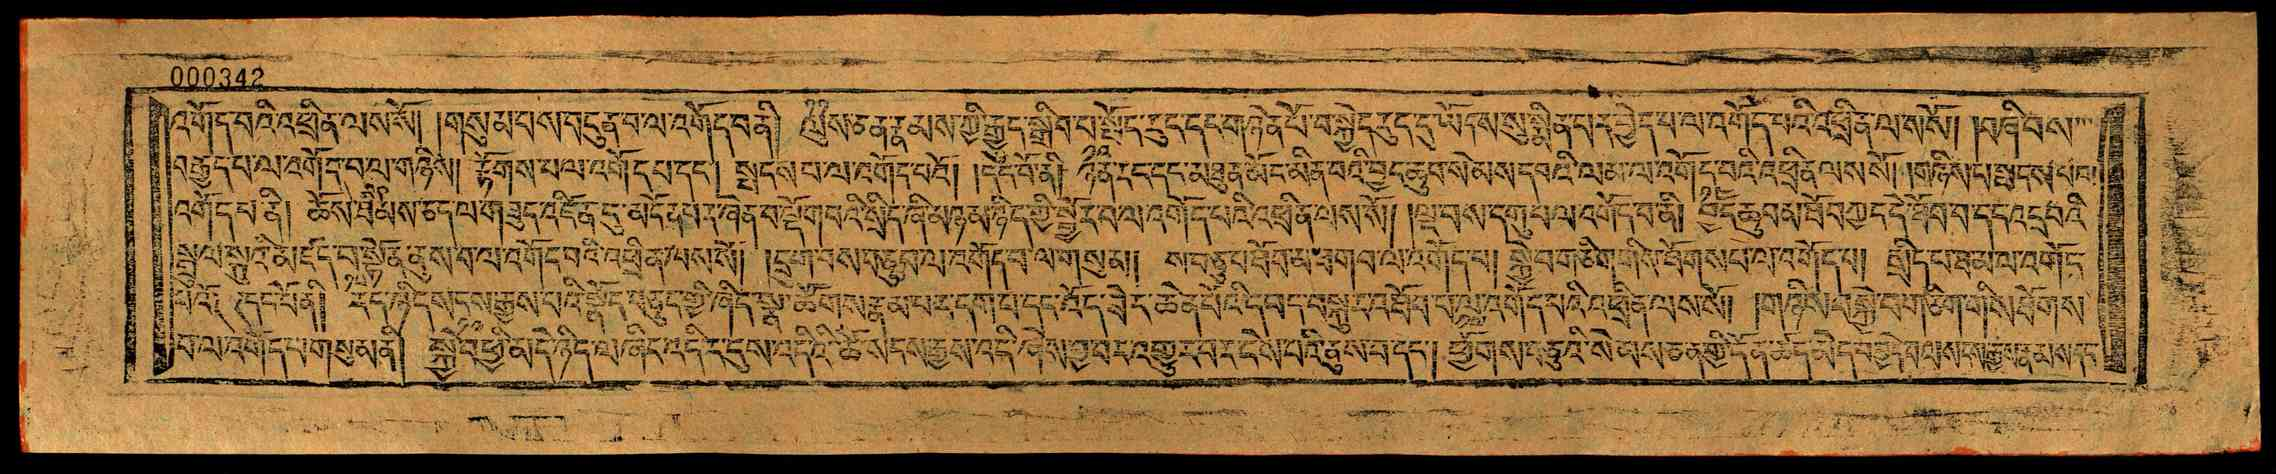འགོད་པའི་འཕྲིན་ལས་སོ། །གསུམ་པ་ས་བདུན་པ་ལ་འགོད་པ་ནི། ༡༡་ལུས་ཅན་རྣམས་ཀྱི་རྒྱུད་སྒྲིབ་པ་སྤོང་རུང་དང་གཉེན་པོ་བསྐྱེད་རུང་དུ་ཡོངས་སུ་སྨིན་པར་བྱེད་པ་ལ་འགོད་པའི་འཕྲིན་ལས་སོ། །བཞི་པས་
བརྒྱད་པ་ལ་འགོད་པ་ལ་གཉིས། རྟོགས་པ་ལ་འགོད་པ་དང་། སྤངས་པ་ལ་འགོད་པའོ། །དང་པོ་ནི། ༡༢་ཉན་རང་དང་མཐུན་མོང་མིན་པའི་བྱང་ཆུབ་སེམས་དཔའི་ལམ་ལ་འགོད་པའི་འཕྲིན་ལས་སོ། །གཉིས་པ་སྤངས་པ་ལ་
འགོད་པ་ནི། ཆོས་ཐམས་ཅད ༡༣་ལ་གཟུང་འཛིན་དུ་མངོན་པར་ཞེན་པ་ལྡོག་པའི་སྲིད་ཞི་མཉམ་ཉིད་ཀྱི་སྦྱོར་བ་ལ་འགོད་པའི་འཕྲིན་ལས་སོ། །ལྔ་པས་དགུ་པ་ལ་འགོད་པ་ནི། ༡༤་བྱང་ཆུབ་མ་ཐོབ་ཀྱང་དེ་ཐོབ་པ་དང་འདྲ་བའི་
སྤྲུལ་སྐུའི་མཛད་པ་སྟོན་ནུས་པ་ལ་འགོད་པའི་འཕྲིན་ལས་སོ། །དྲུག་པ་ས་བཅུ་པ་ལ་འགོད་པ་ལ་གསུམ། ས་བཅུ་པ་ཐོབ་མ་ཐག་པ་ལ་འགོད་པ། སྐྱེ་བ་གཅིག་གིས་ཐོགས་པ་ལ་འགོད་པ། སྲིད་པ་ཐ་མ་ལ་འགོད་
པའོ། །དང་པོ་ནི། ༡༥་རང་ཉིད་སངས་རྒྱས་པའི་སྣོད་བཅུད་ཀྱི་ཞིང་སྣ་ཚོགས་རྣམ་པར་དག་པ་དང་འོད་ཟེར་ཆེན་པོའི་དབང་བསྐུར་འཐོབ་པ་ལ་འགོད་པའི་འཕྲིན་ལས་སོ། །གཉིས་བསྐྱེ་བ་གཅིག་གིས་ཐོགས་
པ་ལ་འགོད་པ་གསུམ་ནི། ༡༦་སྐྱེ་བ་ཕྱི་མ་དེ་ཉིད་ལ་ཞིང་འདིར་དུས་འདིའི་ཚེ་སངས་རྒྱས་འདི་ཞེས་བྱ་བར་འགྱུར་བར་ངེས་པའི་ནུས་པ་དང་། ༡༧་ཕྱོགས་བཅུའི་སེམས་ཅན་གྱི་དོན་ཚད་མེད་པ་བྱེད་པ་ལ་སངས་རྒྱས་རྣམས་དང་